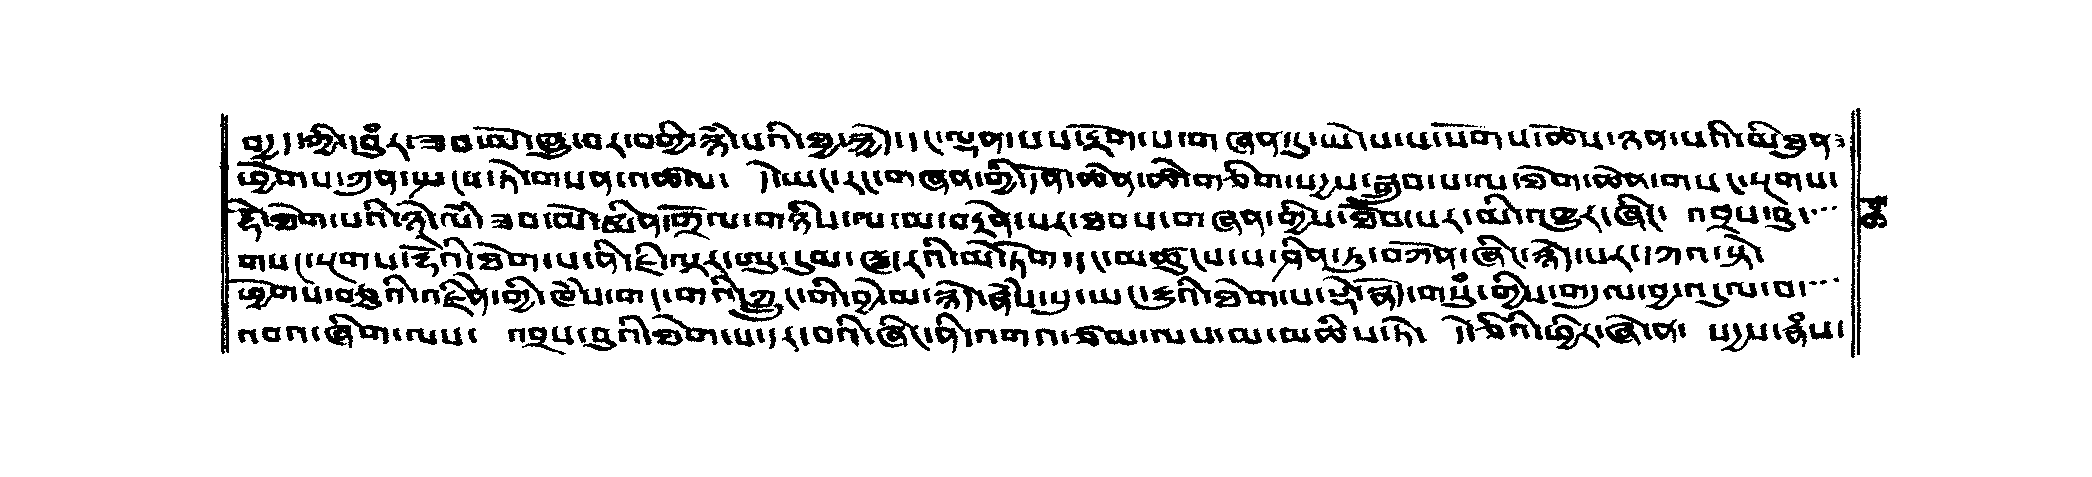བརྒྱད་ཀྱི་དབང་བསྐུར་ཟབ་ཨོ་ཞུ་བར་བགྱི་སྙམ་པའི་ཐུགས་སྐྱེད་དང་ལྡན་པས་རྟོག་པ་གཞན་དུ་ཡེངས་པ་སོགས་ཆོས་ཉན་པའི་མི་མཐུན་
ཕྱོགས་ཀུན་སྤངས་ཏེ་གསན་འཚལ། དེ་ཡང་རང་གཞན་གྱི་དོན་ཆེན་ཚེ་གཅིག་སངས་རྒྱས་སྒྲུབ་པ་ལ་ཐེག་ཆེན་གསང་སྔགས་
རྡོ་རྗེ་ཐེག་པའི་ཉེ་ལམ་ཟབ་མོ་སྨིན་གྲོལ་གཉིས་ལ་མ་བརྟེན་པར་ཐབས་གཞན་གྱིས་ཐོབ་པར་མི་འགྱུར་ཞིང་། འབྲས་བུ་
གསང་སྔགས་རྡོ་རྗེའི་ཐེག་པ་ནི་ཇི་ལྟར་ཨུ་དུམ་ཝ་རའི་མེ་ཏོག་དང་མཚུངས་པ་ཤིན་ཏུ་བཀོན་ཞིང་རྙེད་པར་དཀའ་སྟེ། 
ཕྱོགས་བཅུའི་འཇིག་རྟེན་གྱི་ཁམས་གང་གའི་ཀླུང་གི་བྱེ་མ་སྙེད་རྣམས་སུ་ཡང་རྒྱུའི་ཐེག་པ་སྡོ་སྣོད་གསུམ་གྱིས་གདུལ་བྱ་འདུལ་བ་
འབའ་ཞིག་ལས། འབྲས་བུའི་ཐེག་པ་དར་བའི་ཞིང་ནི་འགའ་ཙམ་ལས་མ་མཆིས་ཏེ། དེ་ཅིའི་ཕྱིར་ཞེ་ན། སངས་རྒྱས་རྣམས་